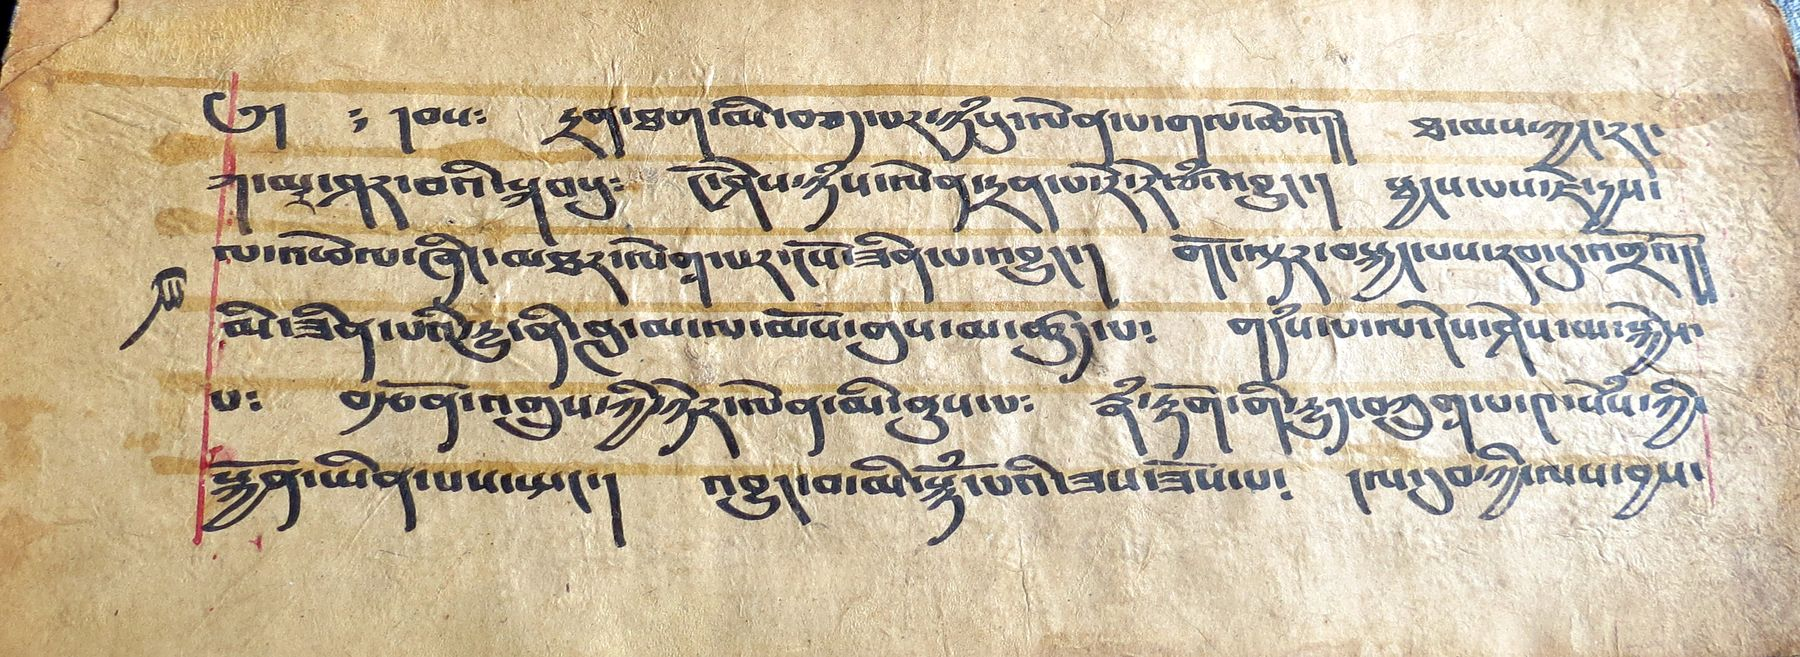བས། དྲན་ཐག་མི་བཅད་པར་ཉམས་སུ་ལེན་པ་གལ་ཚེའོ། ། ཐ་མས་ཀྱང་རྨི་ལམ་རང་
ཀ་མར་ཤར་བའི་སྐབས་སུ་ངོ་ཤེས་ཉམས་ལེན་དྲན་པ་རེ་རེ་ཙམ་འབྱུང་། སྦྱངས་པ་ཇེ་རྒྱས་
ལ་འཕེལ་ཅིང་མཐར་ལེགས་པར་ངོས་ཟིན་པ་འབྱུང་། གོང་ལྟར་བསྐྱངས་པས་རབ་ཏུ་འགྲོའོ། 
མི་ཟིན་པའི་རྒྱུ་ནི་བླ་མ་ལ་གུས་པ་མ་ཚུད་པ། གདམས་པ་ལ་ངེས་ཤེས་མ་སྐྱེས་
པ། བརྩོན་འགྲུས་ཀྱི་ཉེར་ལེན་ཆུང་བ། རྣམ་རྟོག་གི་རྒྱུད་དཀྲུགས་པ་བཞི་སེམས་ཀྱི་
སྐྱོན་ཡིན་པས་སྤངས། འབྱུང་བ་མི་སྙམས་པའི་ཟས་ཟོས་པ། ངལ་དུབ་ཀྱི་ལས་བྱས་